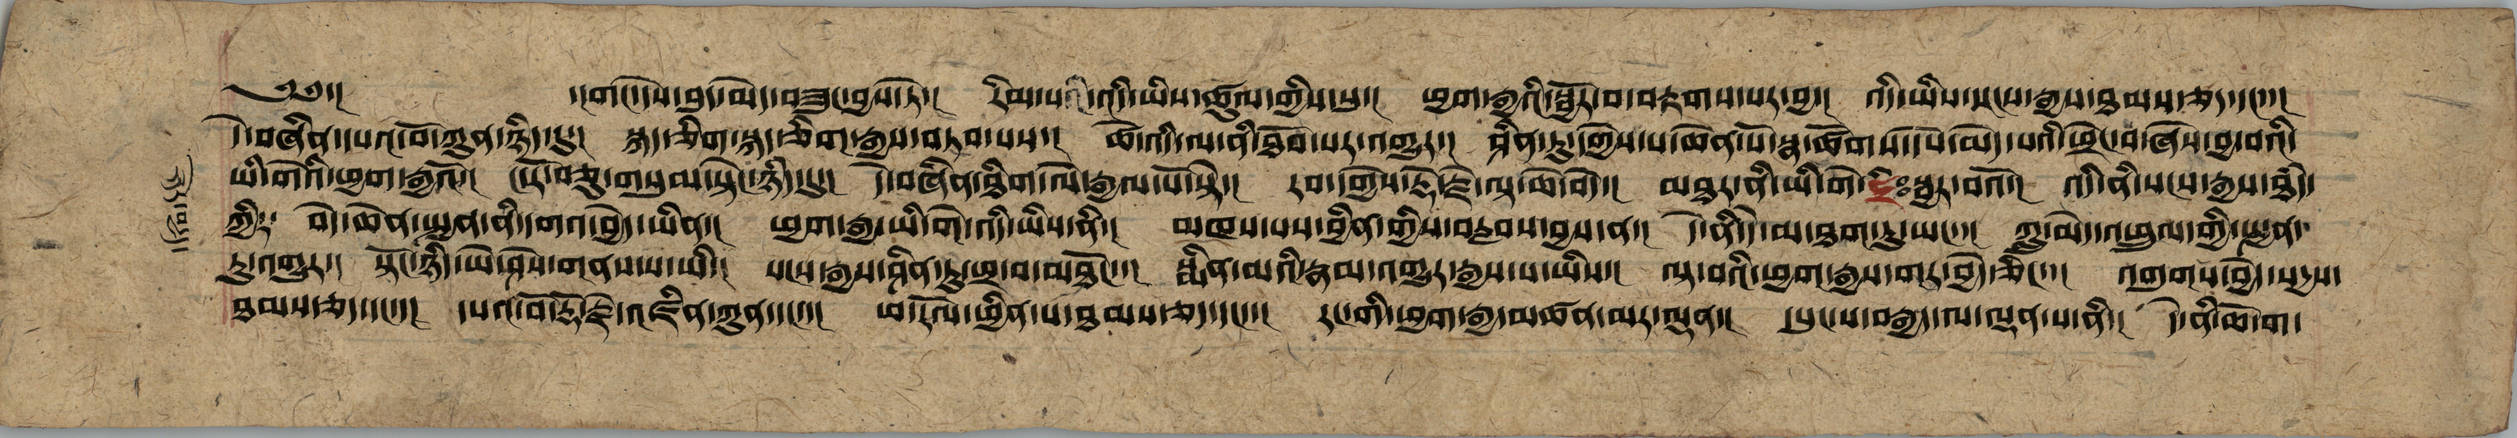༄༅་། ་།གང་དེས་བུད་མེད་བཟུང་བྱས་ཏེ་། རིག་པའི་འདི་ཡིས་ཚུལ་གྱིས་སུ་། ཕྱག་རྒྱའི་སྦྱོར་བ་བརྟགས་པར་བྱ་། འདི་ཡིས་སངས་རྒྱས་ཐམས་ཅད་དང་་།
དེ་བཞིན་དཔའ་བོ་ཀུན་ཉིད་དུ་། སྐད་ཅིག་སྐད་ཅིག་རྒྱས་བཏབ་པས་། ཚེ་འདི་ལ་ནི་ཐོབ་པར་འགྱུར་། ཤིན་ཏུ་དགྱེས་པ་ཆེན་པོ་སྣ་ཚོགས་དཔེ་མེད་པའི་ཕྲེང་བ་ཞེས་བྱ་བའི་
ཡི་གེའི་ཕྱག་རྒྱའོ་། ང་རོ་བཅུ་གསུམ་སྟེང་ཉིད་དུ་། དེ་བཞིན་ཐིག་ལེ་རྒྱལ་པོ་སྟེ་། རབ་དགྱེས་རྡོ་རྗེ་ལྟ་ཆེ་བདེ་། མཐར་ནི་ཡི་གེ་ཧྲིཿསྦྱར་བའོ་། འིད་ནི་སངས་རྒྱས་ཐཾད་
ཀྱི༑ བདེ་ཆེན་སྤྱན་ནི་དགའ་བྱེད་ཡིན་། ཕྱག་རྒྱ་ཡི་གེ་འདི་ཡིས་ནི་། མཁས་པས་བྱིན་གྱིས་བརླབས་བྱས་ན་། དེ་ནི་དེ་མ་ཐག་ཏུ་ཡང་་། ཀླུ་མེད་འཕྲུལ་གྱི་སྤྱན་
ཏུ་འགྱུར་། སྟོང་ཉིད་ཡེ་ཤེས་གནས་པ་ཡི་། སངས་རྒྱས་ཤིན་ཏུ་ཕྲ་བ་མཐོང་་། སྨིན་མའི་རྣམ་འགྱུར་རྒྱས་པ་ཡིས་། ལྟ་བའི་ཕྱག་རྒྱས་གར་བྱེད་ཅིང་་། འགུགས་བྱེད་སདྱས་
ཐམས་ཅད་དང་་། དཔའ་བོ་རྡོ་རྗེ་འཛིན་ཀུན་དང་་། ཕ་རོལ་ཕྱིན་པ་ཐམས་ཅད་དང་་། རང་གི་ཕྱག་རྒྱ་མཚན་མར་ལྡན་། དཔུང་པ་བརྒྱད་ལ་ལྡན་པ་ནི་། དེ་ནི་ཆོ་ག་